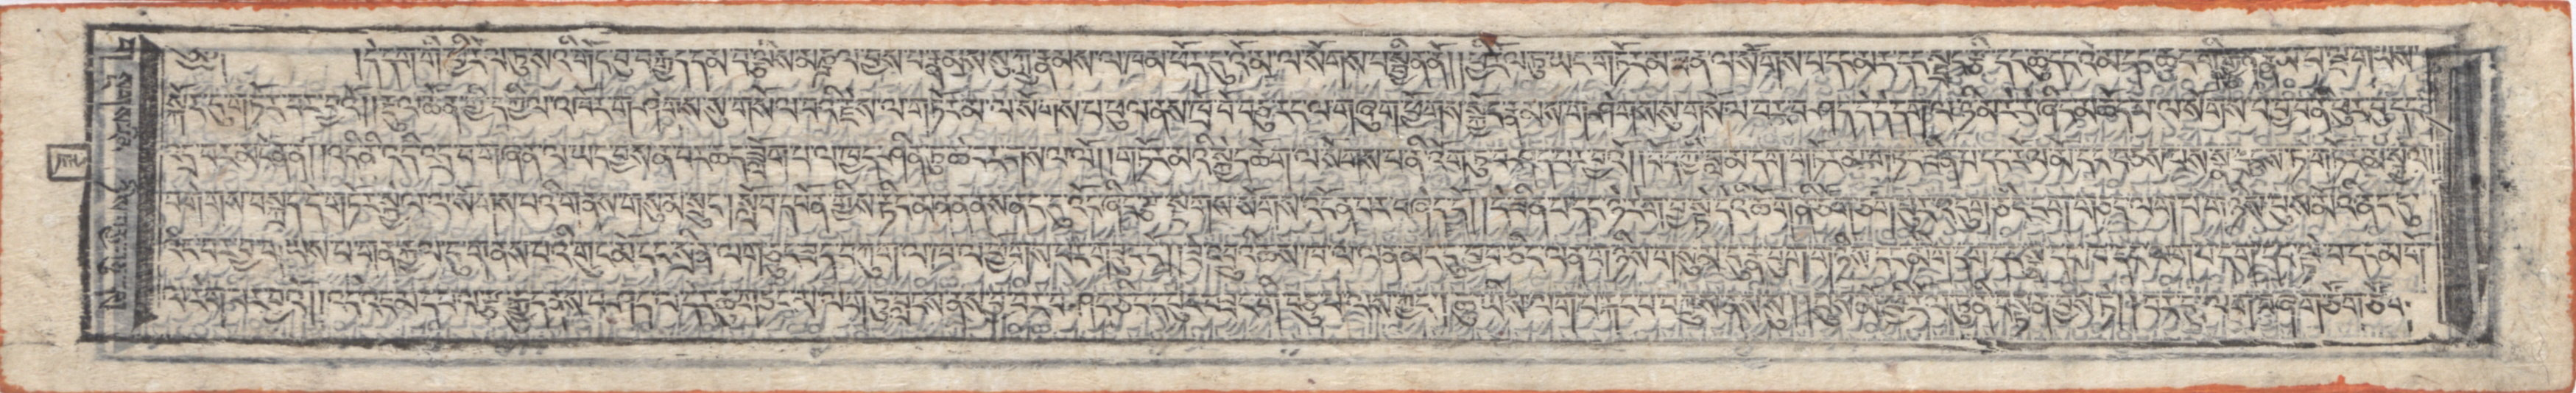༄༅། །དེ་དག་གི་ཕྱི་རོལ་ཏུ་སའི་གོང་བུ་བརྒྱད་དམ་བ་ལྕིས་མཎྜལ་བྱས་པ་རྣམས་སུ་ཀླུ་རྣམས་ལ་ཁམ་ཕོར་དུ་འོ་མ་ལ་སོགས་པ་སྦྱིན་ནོ། །ཕྱི་རོལ་ཏུ་ཡང་གཏོར་མ་ཟིན་ལ་སོགས་པ་དང་མར་དང་སྦྲང་རྩི་དང་ཆུ་དང་འོ་མ་དང་ཆང་གི་རྒྱུན་རྣམ་པ་ལྔ་གཡས་
སྐོར་དུ་གཏོར་བར་བྱའོ། །རྡུལ་ཚོན་གྱི་དཀྱིལ་འཁོར་གཤེགས་སུ་གསོལ་བའི་རྗེས་ལ་གཏོར་མ་ལ་སོགས་པ་ཕུལ་ནས་ཁྲོ་བོ་བཅུ་རང་ལ་གཞུག་ཕྱོགས་སྐྱོང་རྣམས་གཤེགས་སུ་གསོལ་བར་བཤད་དེ་དེ་དག་ལ་ཉི་མ་རེ་རེ་ཞིང་མཆོད་པ་ལ་སོགས་པ་བྱ་བ་ནི་ཕུར་བུ་དང་
འདྲ་བར་མངོན་ནོ། །འདི་ནི་འདི་འདྲ་བ་གཞན་ལ་ཡང་བྱས་ན་བར་ཆད་ཟློག་པ་ལ་ཁྱད་ཤིན་ཏུ་ཆེ་བར་གསལ་ལོ། །གཏོར་མའི་སྐྱེད་ཆོག་ལ་སོགས་པ་ནི་འོག་ཏུ་བཤད་པར་བྱའོ། །བོད་ཀྱི་བླ་མ་དག་གཏོར་མ་བཏང་ཟིན་པ་དང་རོལ་མོ་དང་བཅས་པས་སྣ་དྲངས་ཏེ་གཏོར་མ་སྐྱེལ་
བགེགས་བསྐྲད་དེ་གཏོར་སྐྱེལ་ལ་སོགས་པའི་གནས་གསུམ་སྲུང་། སློབ་དཔོན་གྱིས་རྟིང་མནན་ནས་ནང་དུ་འོང་ཞིང་རྩ་སྔགས་སོགས་འདོན་པར་བཞེད་དོ། །དེ་ཟིན་པ་དང་ཉེ་རེག་བྱ་སྟེ་དེའི་ཆོ་ག་ནི་ཙོག་ཙོག་པུར་འདུག་ཅིང་ངག་གཅད་ལག་པ་གཉིས་པུས་མོའི་ནང་དུ་
འོང་བར་བྱ་གཡས་པ་གན་རྐྱལ་དུ་གནས་པའི་གུང་མོ་དང་སྲིན་ལག་ཅུང་ཟད་བཀུག་ལ་ཁ་ལ་ཕྱོགས་པར་གཟུང་ངོ། །ཟེ་འབྲུའི་ཆས་ཁ་ལ་ལན་མང་དུ་བྱབ་ཅིང་ལན་གཉིས་གསུམ་དུ་རྣ་བུག་གཉིས་དང་མིག་དག་དང་སྣ་དང་ཁ་དང་ལག་པ་དག་དང་ལྟེ་བ་དང་མགོ་
ལ་རེག་པར་བྱའོ། །འདི་འཇམ་དཔལ་རྩ་རྒྱུད་ནས་བཤད་ལ་དེར་ཆུ་གཙང་མ་ལག་ཏུ་བླངས་ནས་བྱ་བར་བཤད་ཅིང་དཔུང་བཟང་གི་བཅུ་པ་ལས་ཀྱང་། ཆུ་ཡིས་ལག་པ་རྐང་པ་བཀྲུས་ནས་སུ། །བུས་མོ་ཕྱི་རོལ་ཏུ་ནི་བསྟན་བྱས་ཏེ། །བར་དུ་ལག་བཞག་ཙོག་ཙོག་